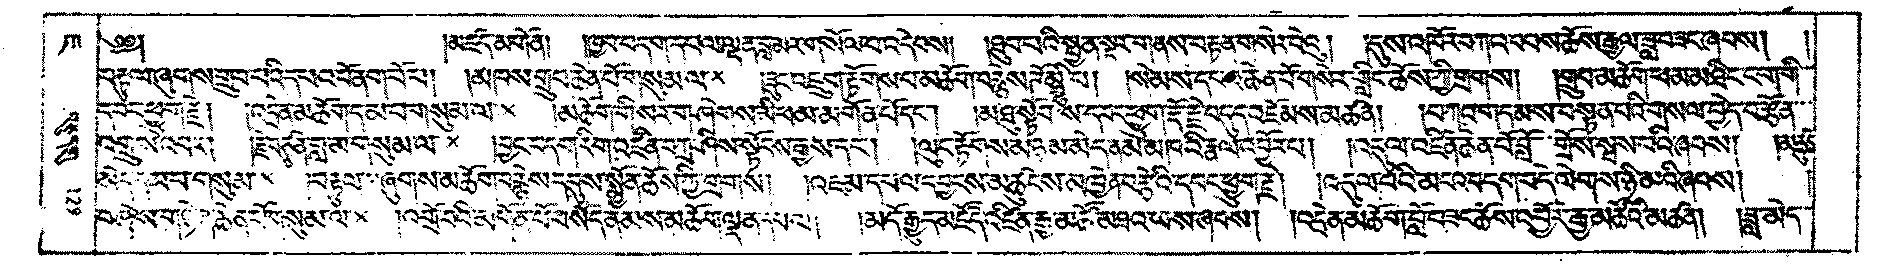༄༅། །མཛད་མགོན། །ཁྱབ་བདག་དཔལ་ལྡན་བླ་མར་གསོལ་བ་འདེབས། །ཐུབ་པའི་སྤྱན་སྔར་གནས་བརྟན་གསེར་བེའུ། །དུས་འཁོར་བཀའ་བབས་ཆོས་རྒྱལ་ཟླ་བཟང་ཞབས། །
བརྟུལ་ཞུགས་གྲུབ་པའི་དཔའ་བོ་ནག་པོ་པ། །མཁས་གྲུབ་ཆེན་པོ་གསུམ་ལ་྾་།ཟུང་འཇུག་རྟོགས་པ་མཆོག་བརྙེས་ཊོམྦྷི་པ། །སེམས་དཔའ་ཆེན་པོ་གསེར་གླིང་ཆོས་ཀྱི་གྲགས། །གྲུབ་མཆོག་ཕམ་མཐིང་ངག་གི་
དབང་ཕྱུག་རྗེ། །འདྲེན་མཆོག་དམ་པ་གསུམ་ལ་྾་།མཆོག་གི་སར་གཤེགས་མི་ཕམ་མགོན་པོ་དང་། །མཐུ་སྟོབས་དབང་ཕྱུག་རྡོ་རྗེ་བདུད་འཇོམས་མཚན། །བཀའ་གདམས་བསྟན་པའི་གསལ་བྱེད་བརྩོན་
འགྲུས་འབར། །རྗེ་བཙུན་བླ་མ་གསུམ་ལ་྾་།བྱང་བདག་རིག་འཛིན་བཀྲ་ཤིས་སྟོབས་རྒྱས་དང་། །ལུང་རྟོགས་མཉམ་མེད་ནམ་མཁའི་རྣལ་འབྱོར་པ། །འདུལ་འཛིན་ཆེན་པོ་བློ་གྲོས་སྦས་པའི་ཞབས། །མཚུངས་
མེད་དམ་པ་གསུམ་྾་།བརྟུལ་ཞུགས་མཆོག་བརྙེས་དབུས་སྨྱོན་ཆོས་ཀྱི་གྲགས། །འཇམ་དཔལ་དབྱངས་མཚུངས་མཁྱེན་བརྩེའི་དབང་ཕྱུག་རྗེ། །འདུལ་བའི་མངའ་བདག་བདེ་ལེགས་ཉི་མའི་ཞབས། །
བཤེས་གཉེན་ཆེན་པོ་གསུམ་ལ་྾་།འགྲོ་བའི་མགོན་པོ་བསོད་ནམས་མཆོག་ལྡན་དཔལ། །མདོ་རྒྱུད་མཛོད་འཛིན་རྒྱ་མཚོ་མཐའ་ཡས་ཞབས། །འདྲེན་མཆོག་བློ་བཟང་ཆོས་འབྱོར་རྒྱ་མཚོའི་མཚན། །ཟླ་མེད་